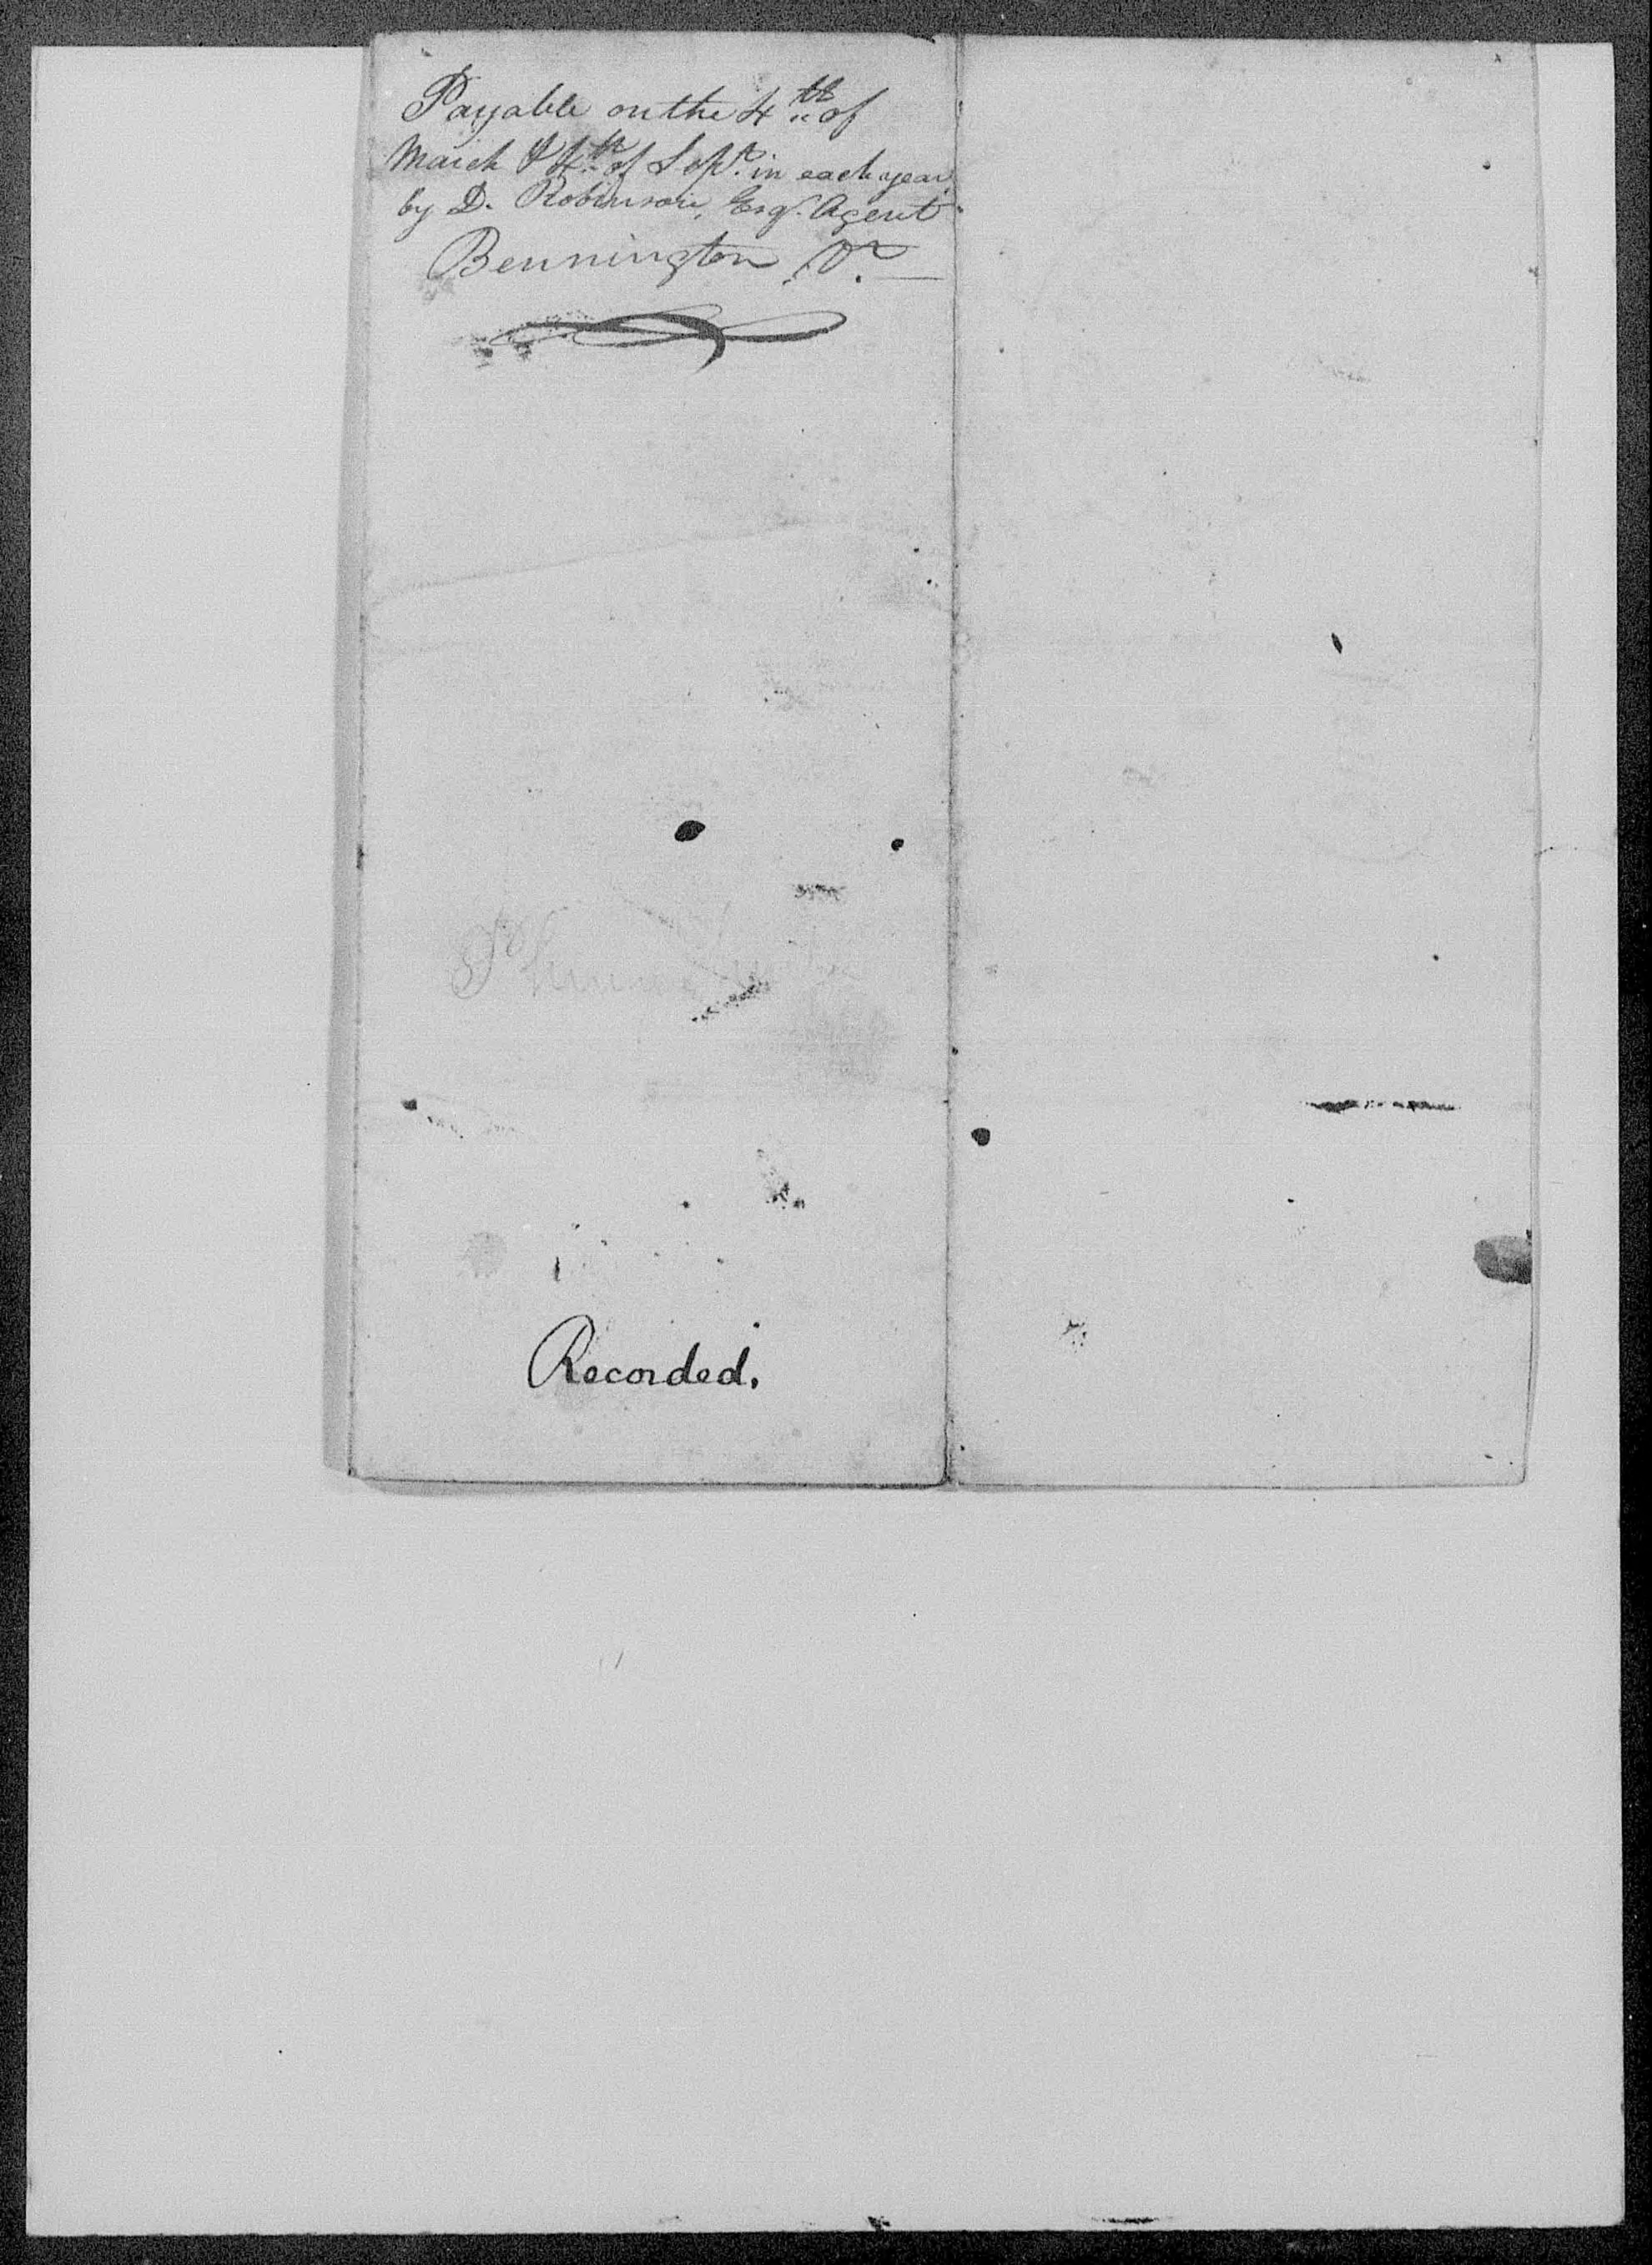Payable on the 4th of March & 4th of Sept in each year by D. Robinson Esq Agent 
Bennington Vt. 
Recorded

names: D Robinson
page: 40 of 51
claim: widow's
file: W. 1698, Oliver Barker, Conn.